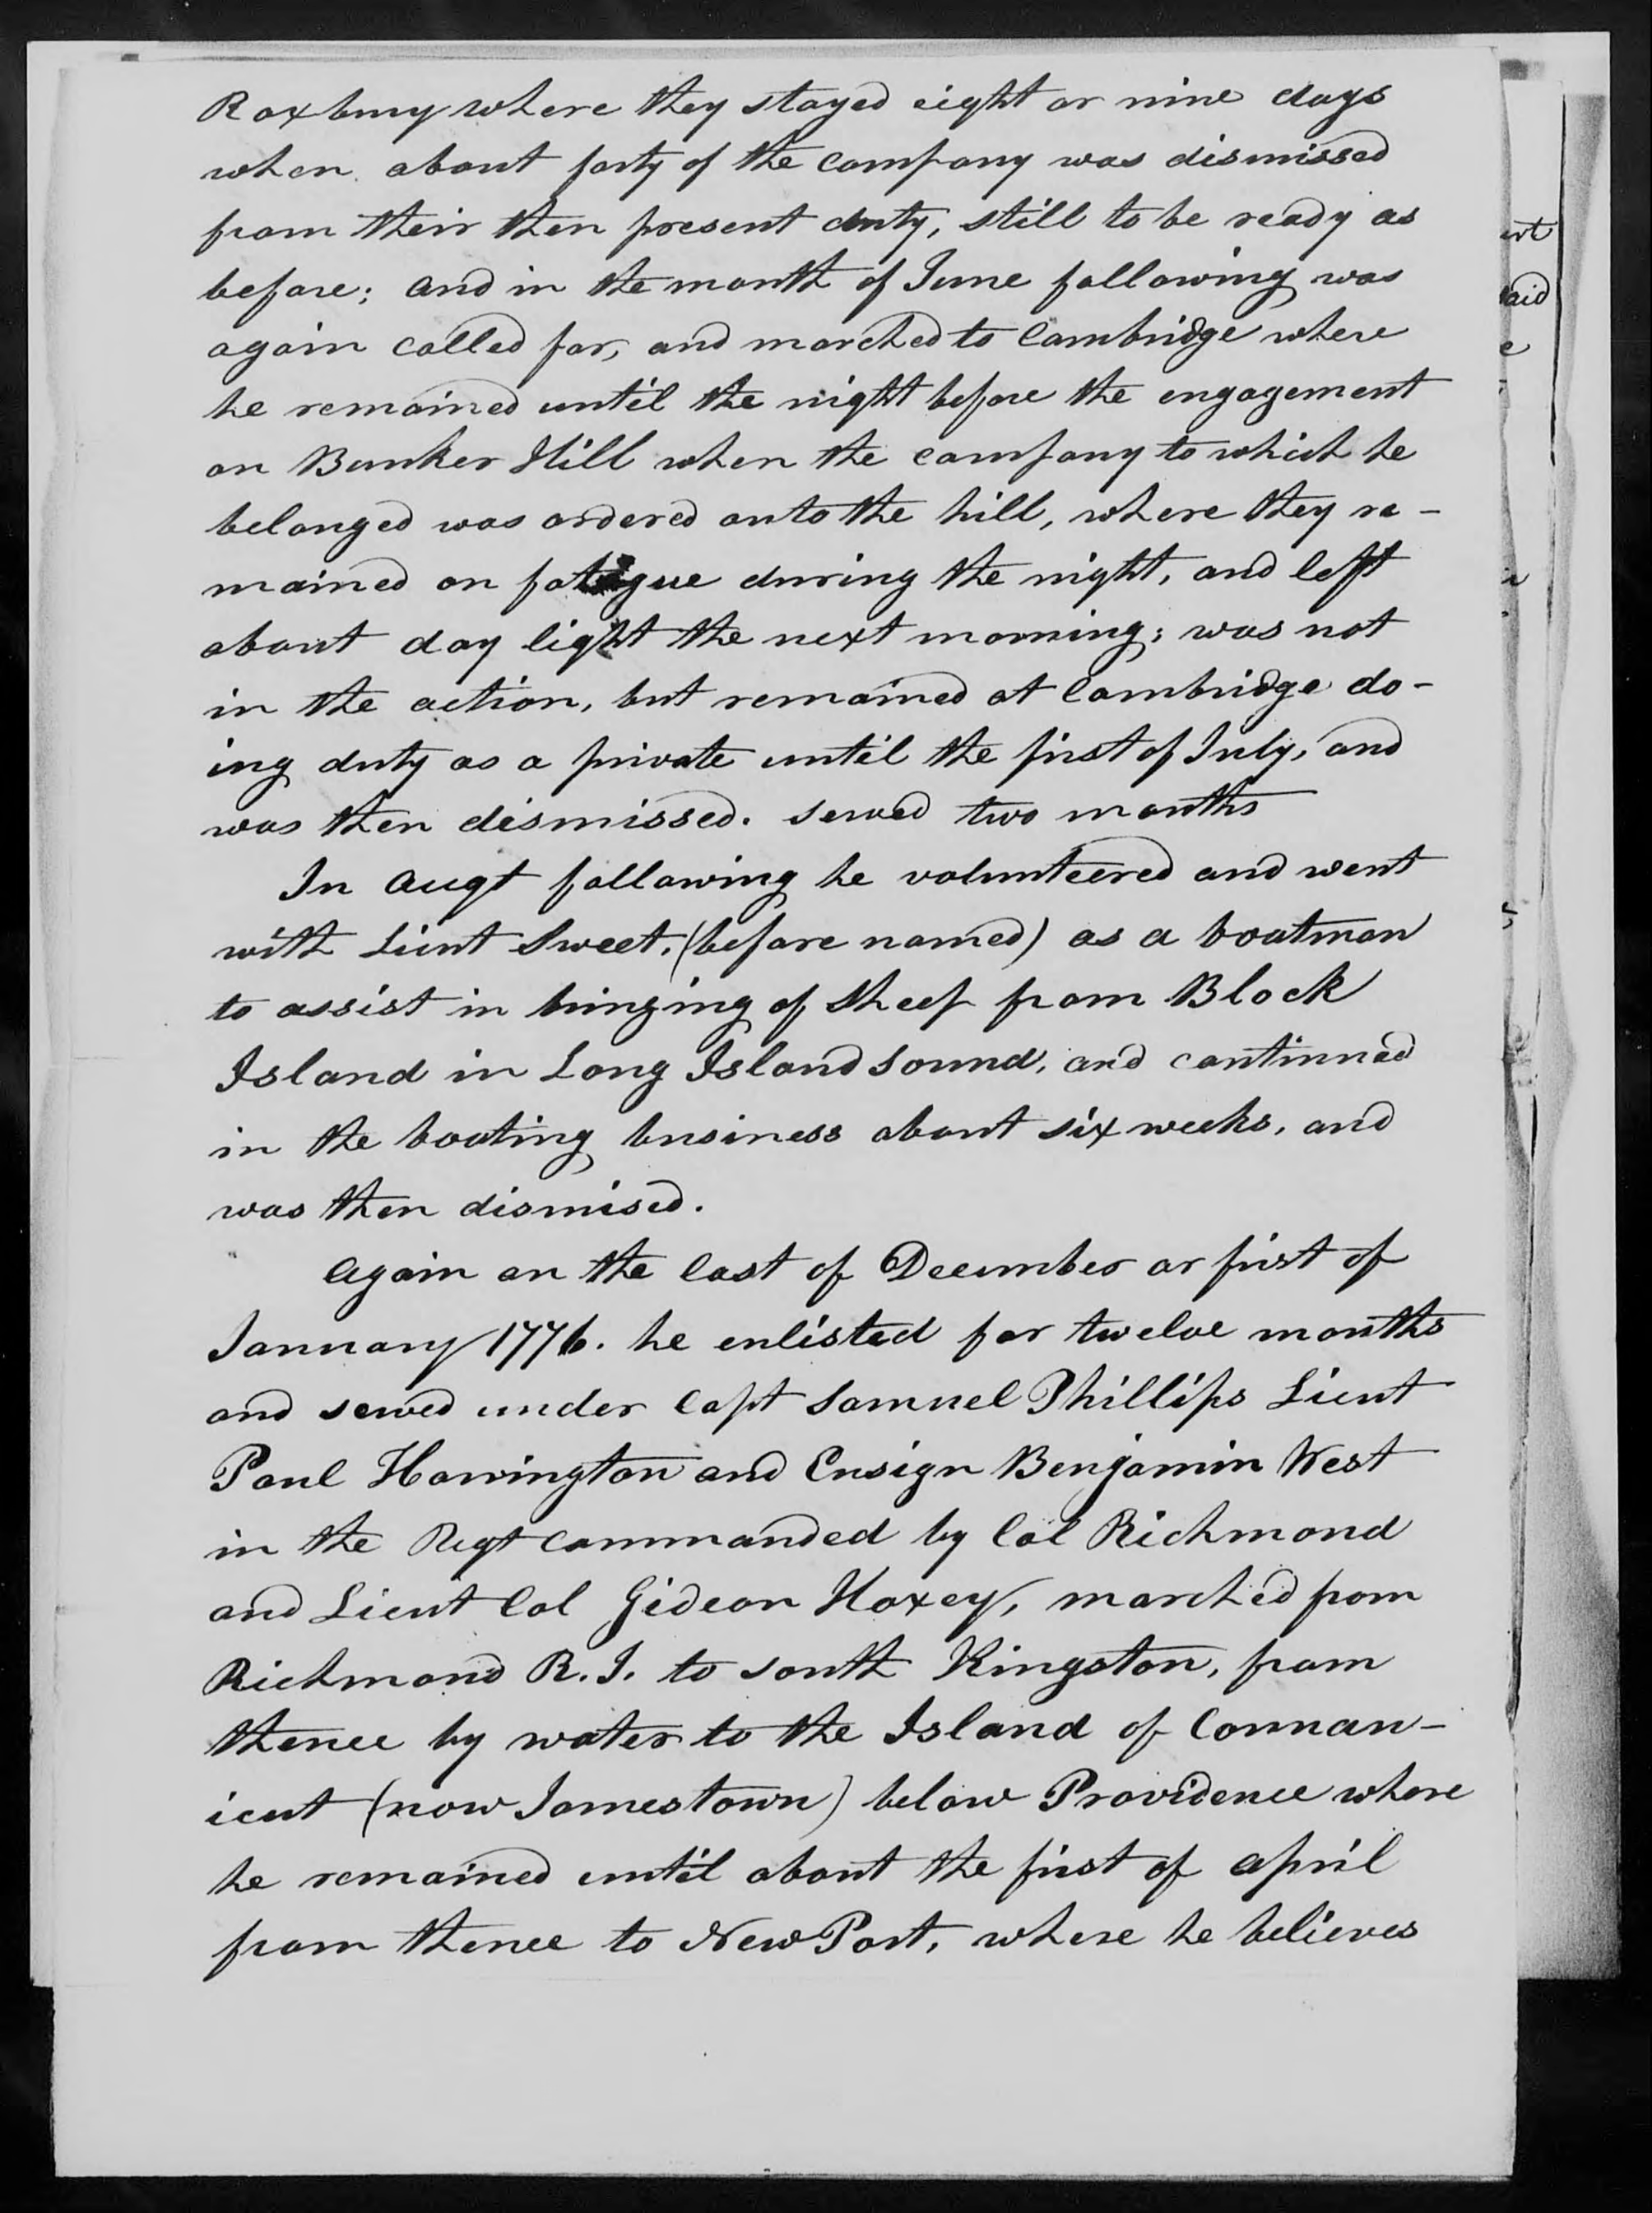Roxbury where they stayed eight or nine days when about forty of the company was dismissed from their then present duty, still to be ready as before; and in the month of June following was again called for, and marched to Cambridge where he remained until the night before the engagement on Bunker Hill when the company to which he belonged was ordered onto the hill, where they remained on fatigue during the night, and left about day light the next morning; was not in the action, but remained at Cambridge doing duty as a private until the first of July, and was then dismissed. Served two months 
In Augt following he volunteered and went with Lieut Sweet, (before named) as a boatman to assist in bringing of sheep from Block Island in Long Island Sound, and continued in the boating business about six weeks, and was then dismissed.
Again on the last of December or first of January 1776, he enlisted for twelve months and served under Capt Samuel Phillips Lieut Paul Harrington and Ensign Benjamin West in the Regt commanded by Col Richmond and Lieut Col Gideon Hoxey, marched from Richmond R. I. to South Kingston, from there by water to the Island of Connanient (now Jamestown) below Providence where he remained until about the first of April from thence to NewPort, where he believes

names: Gideon Hoxey, Benjamin West, Banker Hill, Paul Harrington, Sweet, Richmond, Samuel Phillips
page: 21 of 100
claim: survivor's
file: S 19186, James Austin, Conn. New York R.I.